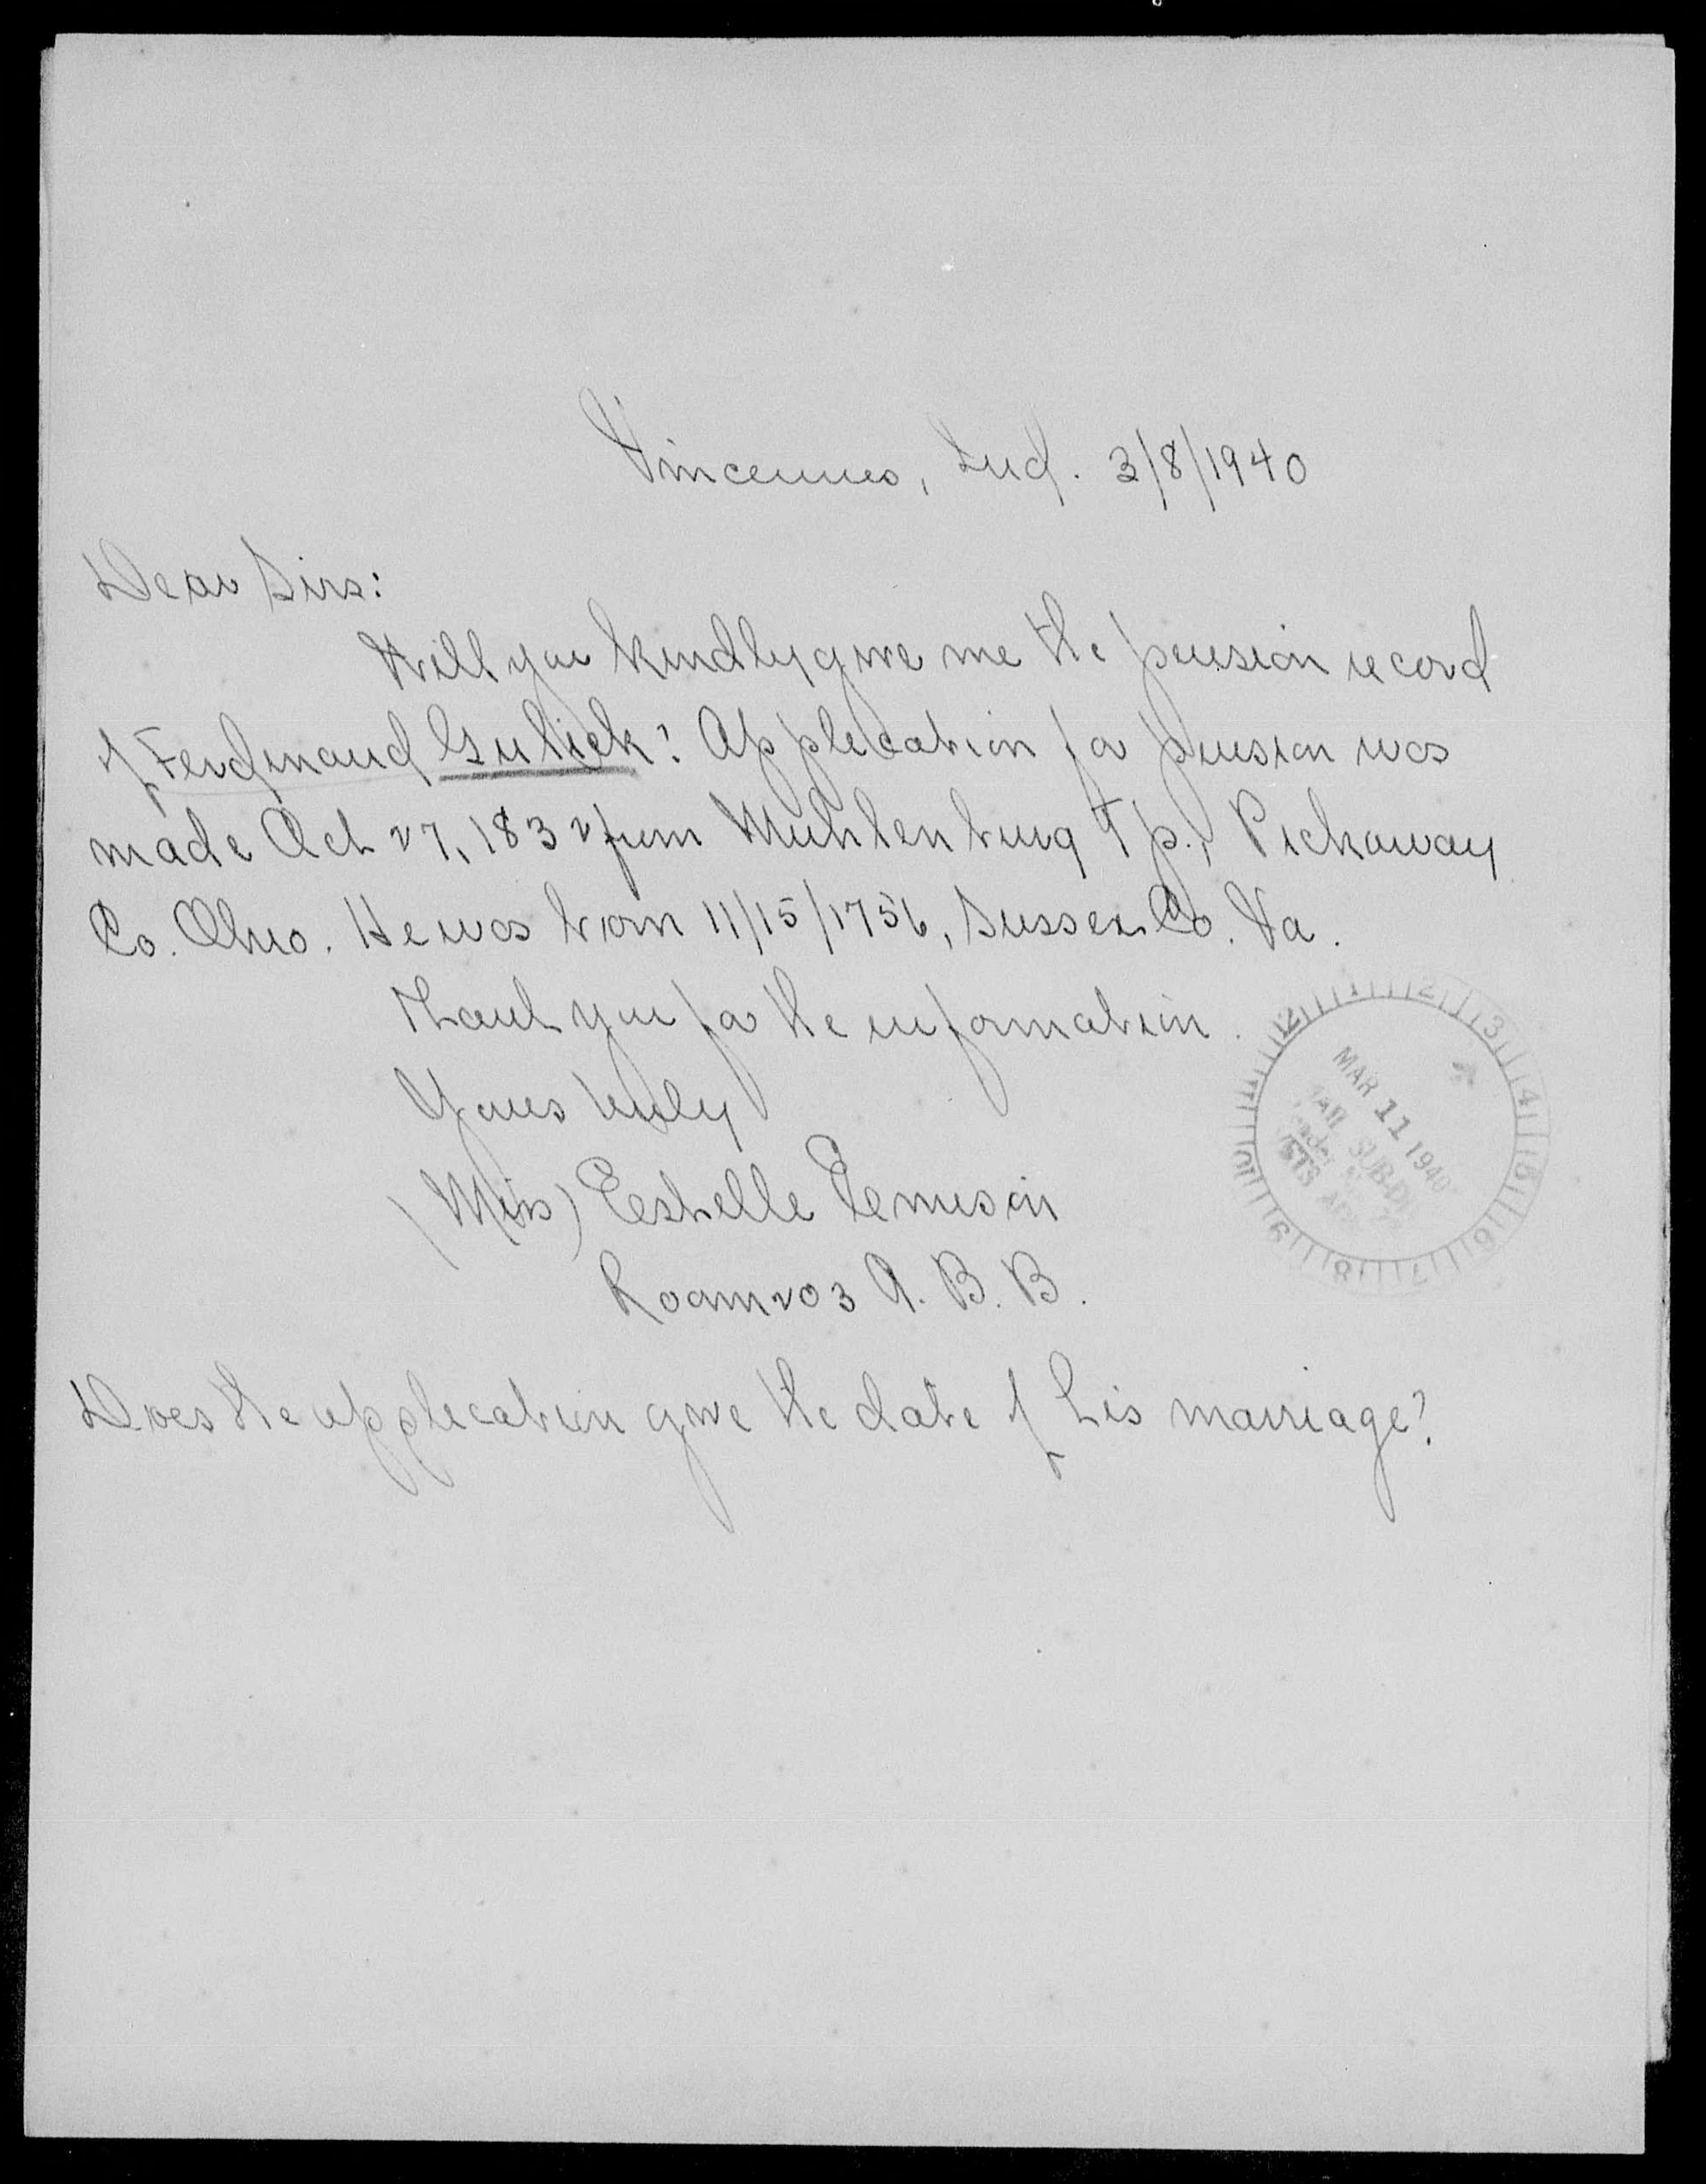Vincennes, Ind 3/8/1940

Dear Sirs:

Will you kindly give me the pension record of Ferdinand Gulick? Application for pension was made Oct 27, 1832 from Muhlenberg Tp, Pickaway Co. Ohio. He was born 11/15/1756, Sussex Co. Va.

Thank you for the information.
Yours truly
Miss) Estelle Emison
Room vo3 A.B.B.

Does the application give the date of his marriage?

(There is a stamp on the right side of this page that says: Mar 11 1940 - the rest is illegible)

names: Ferdinand Gulick, Estelle Emison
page: 15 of 21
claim: survivor's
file: S. 2586, Ferdinand Gulick, New Jersey Va.